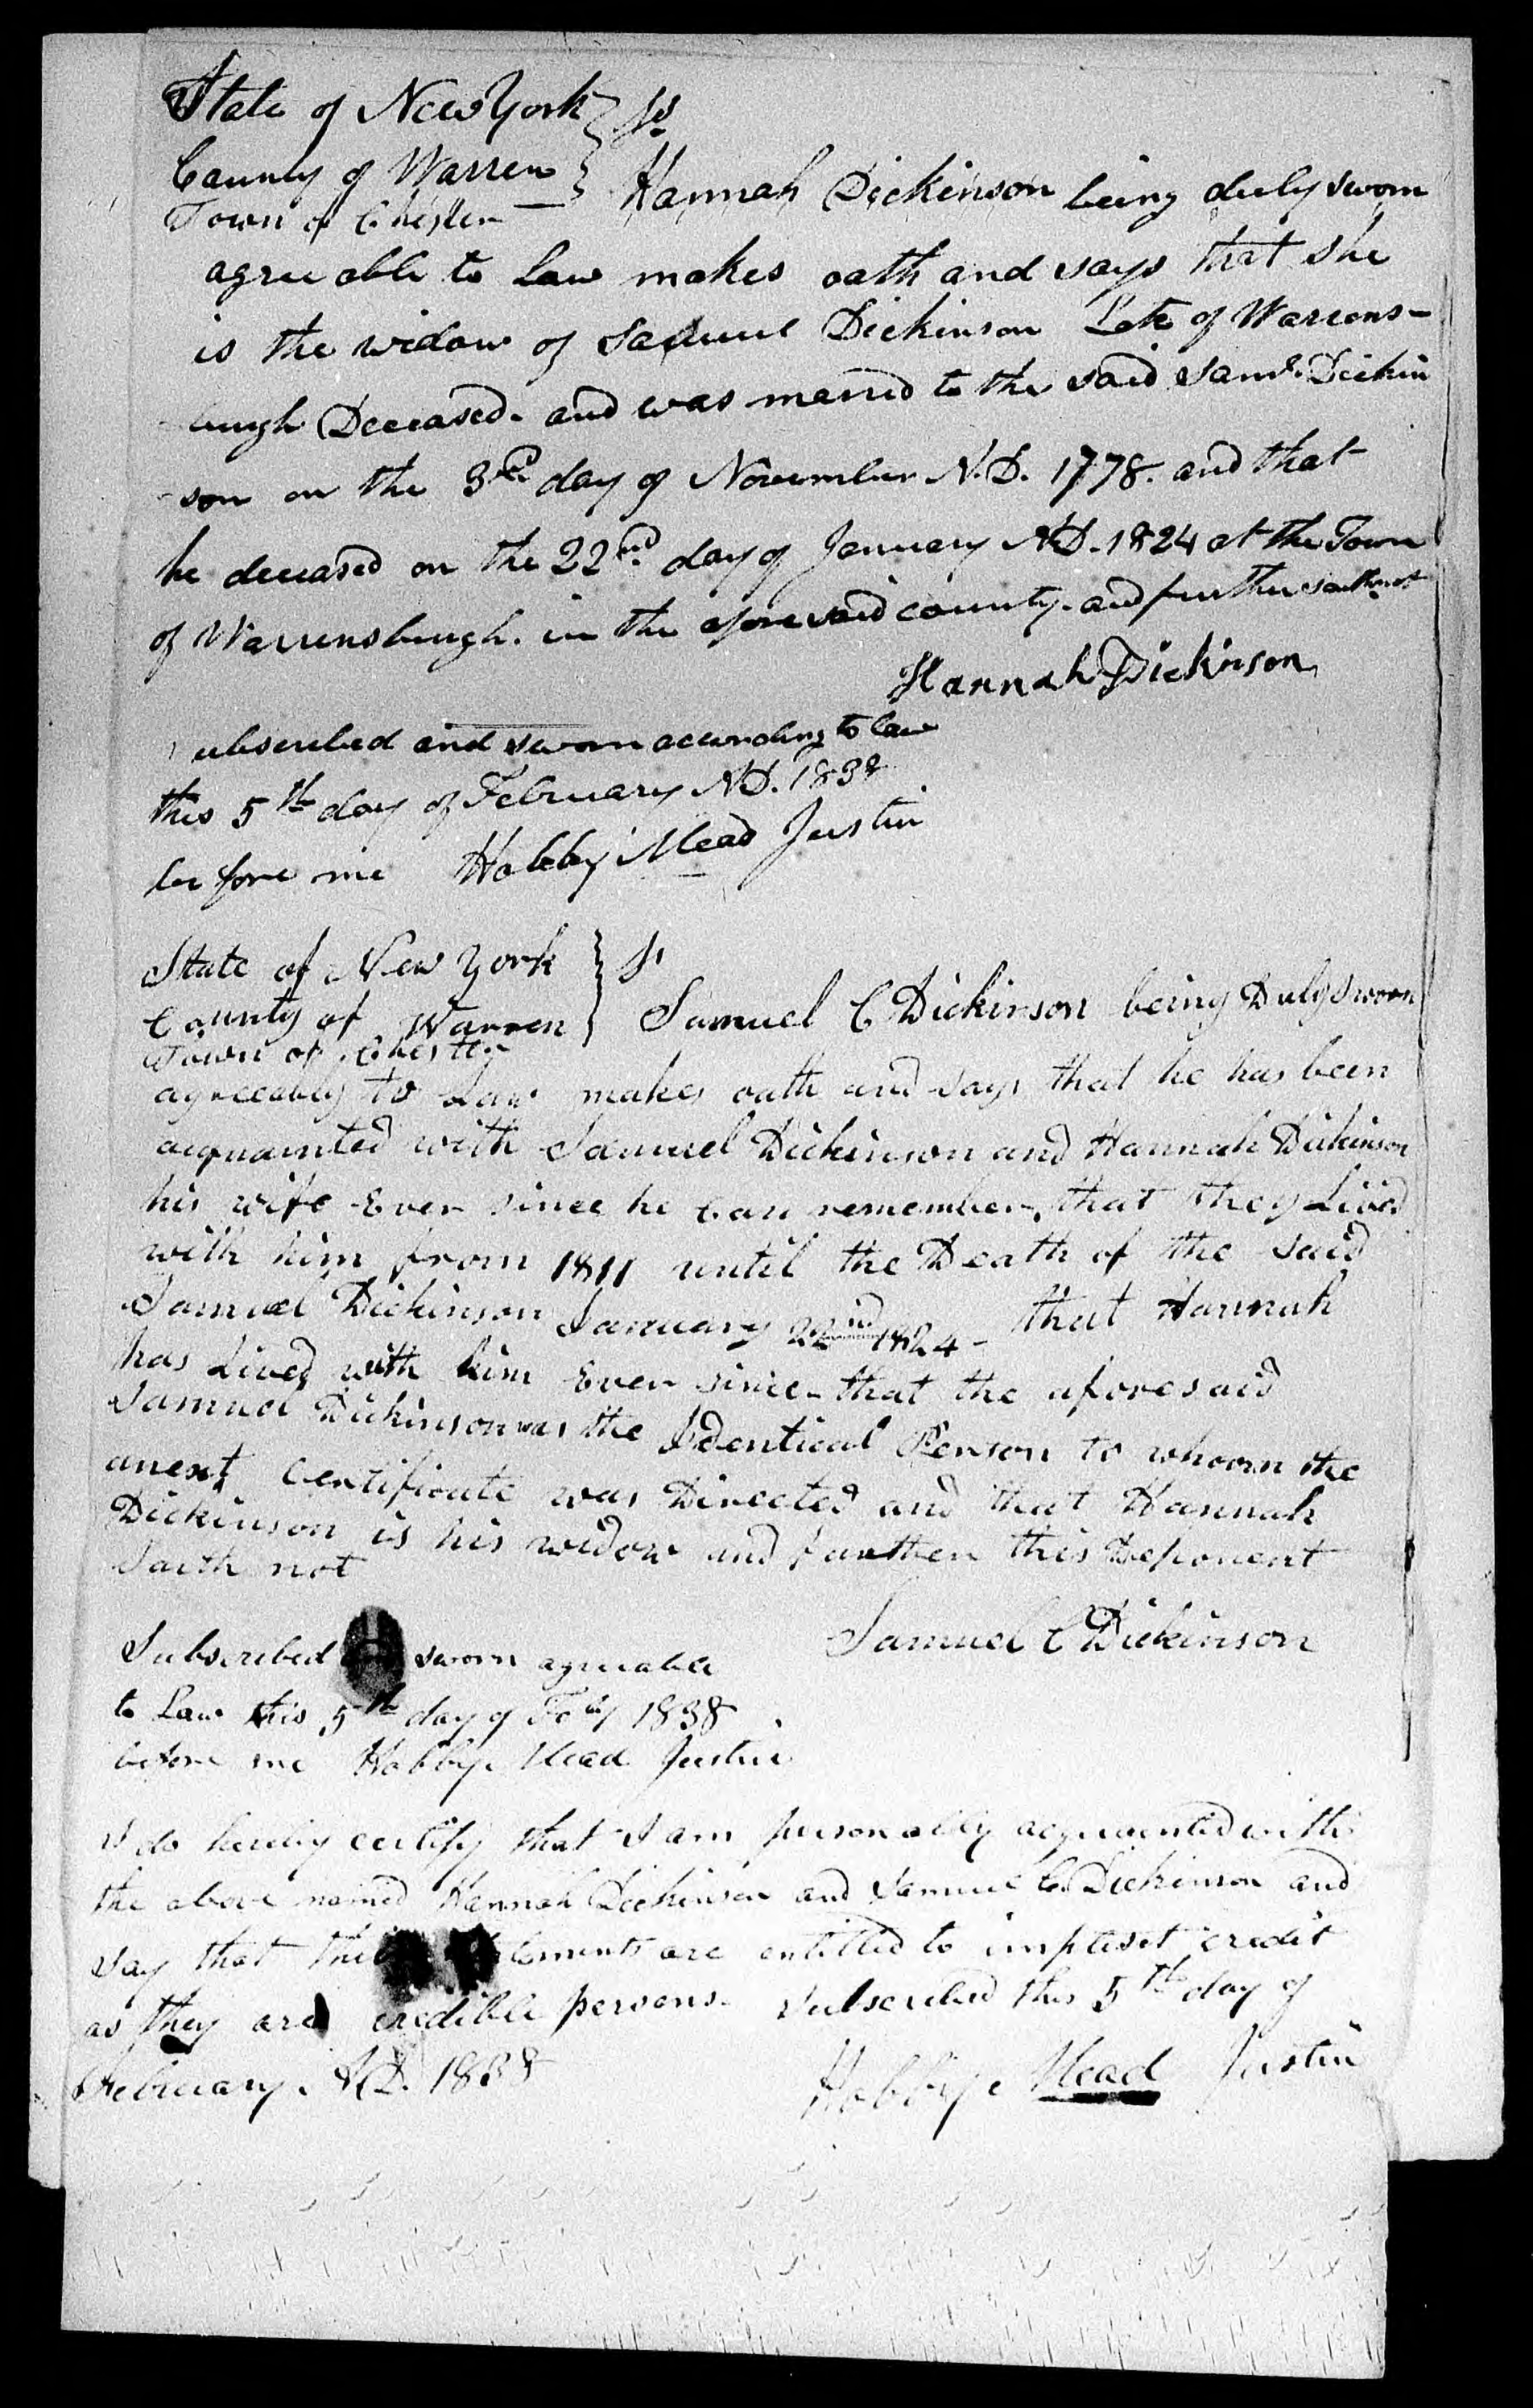State of New York
County of Warren
Town of Chester
---
Hannah Dickinson being duly sworn
agreeable to law makes oath and says that she
is the widow of Samuel Dickinson
late of Warrensburgh [Warrensburg]
Deceased, and was married to the said Saml Dickinson
on the 3rd day of November A.D. 1778 and that 
he deceased on the 22nd day of January AD 1824 at the Town
of Warrensburgh [Warrensburg] in the aforesaid County and further saith not.
Hannah Dickinson

subscribed and sworn according to law
this 5th day of February AD. 1838
before me Hobby Mead Justice

State of New York
County of Warren
Town of Chester
Sr
Samuel C Dickinson being duly sworn
agreeably to law makes oath and says that he has been
acquainted with Samuel Dickinson and Hannah Dickinson
his wife ever since he can remember . that they lived
with him from 1811 until the death of the said
Samuel Dickinson January 22 1824.  That Hannah
has lived with him ever since. that the aforesaid
Samuel Dickinson was the identical person to whom the
anext certificate was directed and that Hannah
Dickinson is his widow and further this deponent
saith not.
Samuel C Dickinson

Subscribed sworn agreeable
to Law this 5th day of Feby 1838
before me Hobby Mead Justice

I do hereby certify that I am personally acquainted with
the above named Hannah Dickinson and Samuel C. Dickinson and
say that the claimants are entitled to implicit credit
as they are credible persons.  Subscribed this 5th day of
February A.D. 1838
Hobbie Mead Justice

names: Samuel Dickinson, Samuel C Dickinson, Hobby Mead, Hannah Dickinson, Samuel C Dickinson, Samuel Dickinson, Hannah Dickinson, Hannah Dickinson, Hannah Dickinson, Hobby Mead, Hannah, Hobby Mead, Saml Dickinson, Samuel Dickinson, Samuel C Dickinson, Hannah Dickinson, Samuel Dickinson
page: 40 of 60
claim: widow's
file: W 16,955, Samuel Dickinson, Conn.